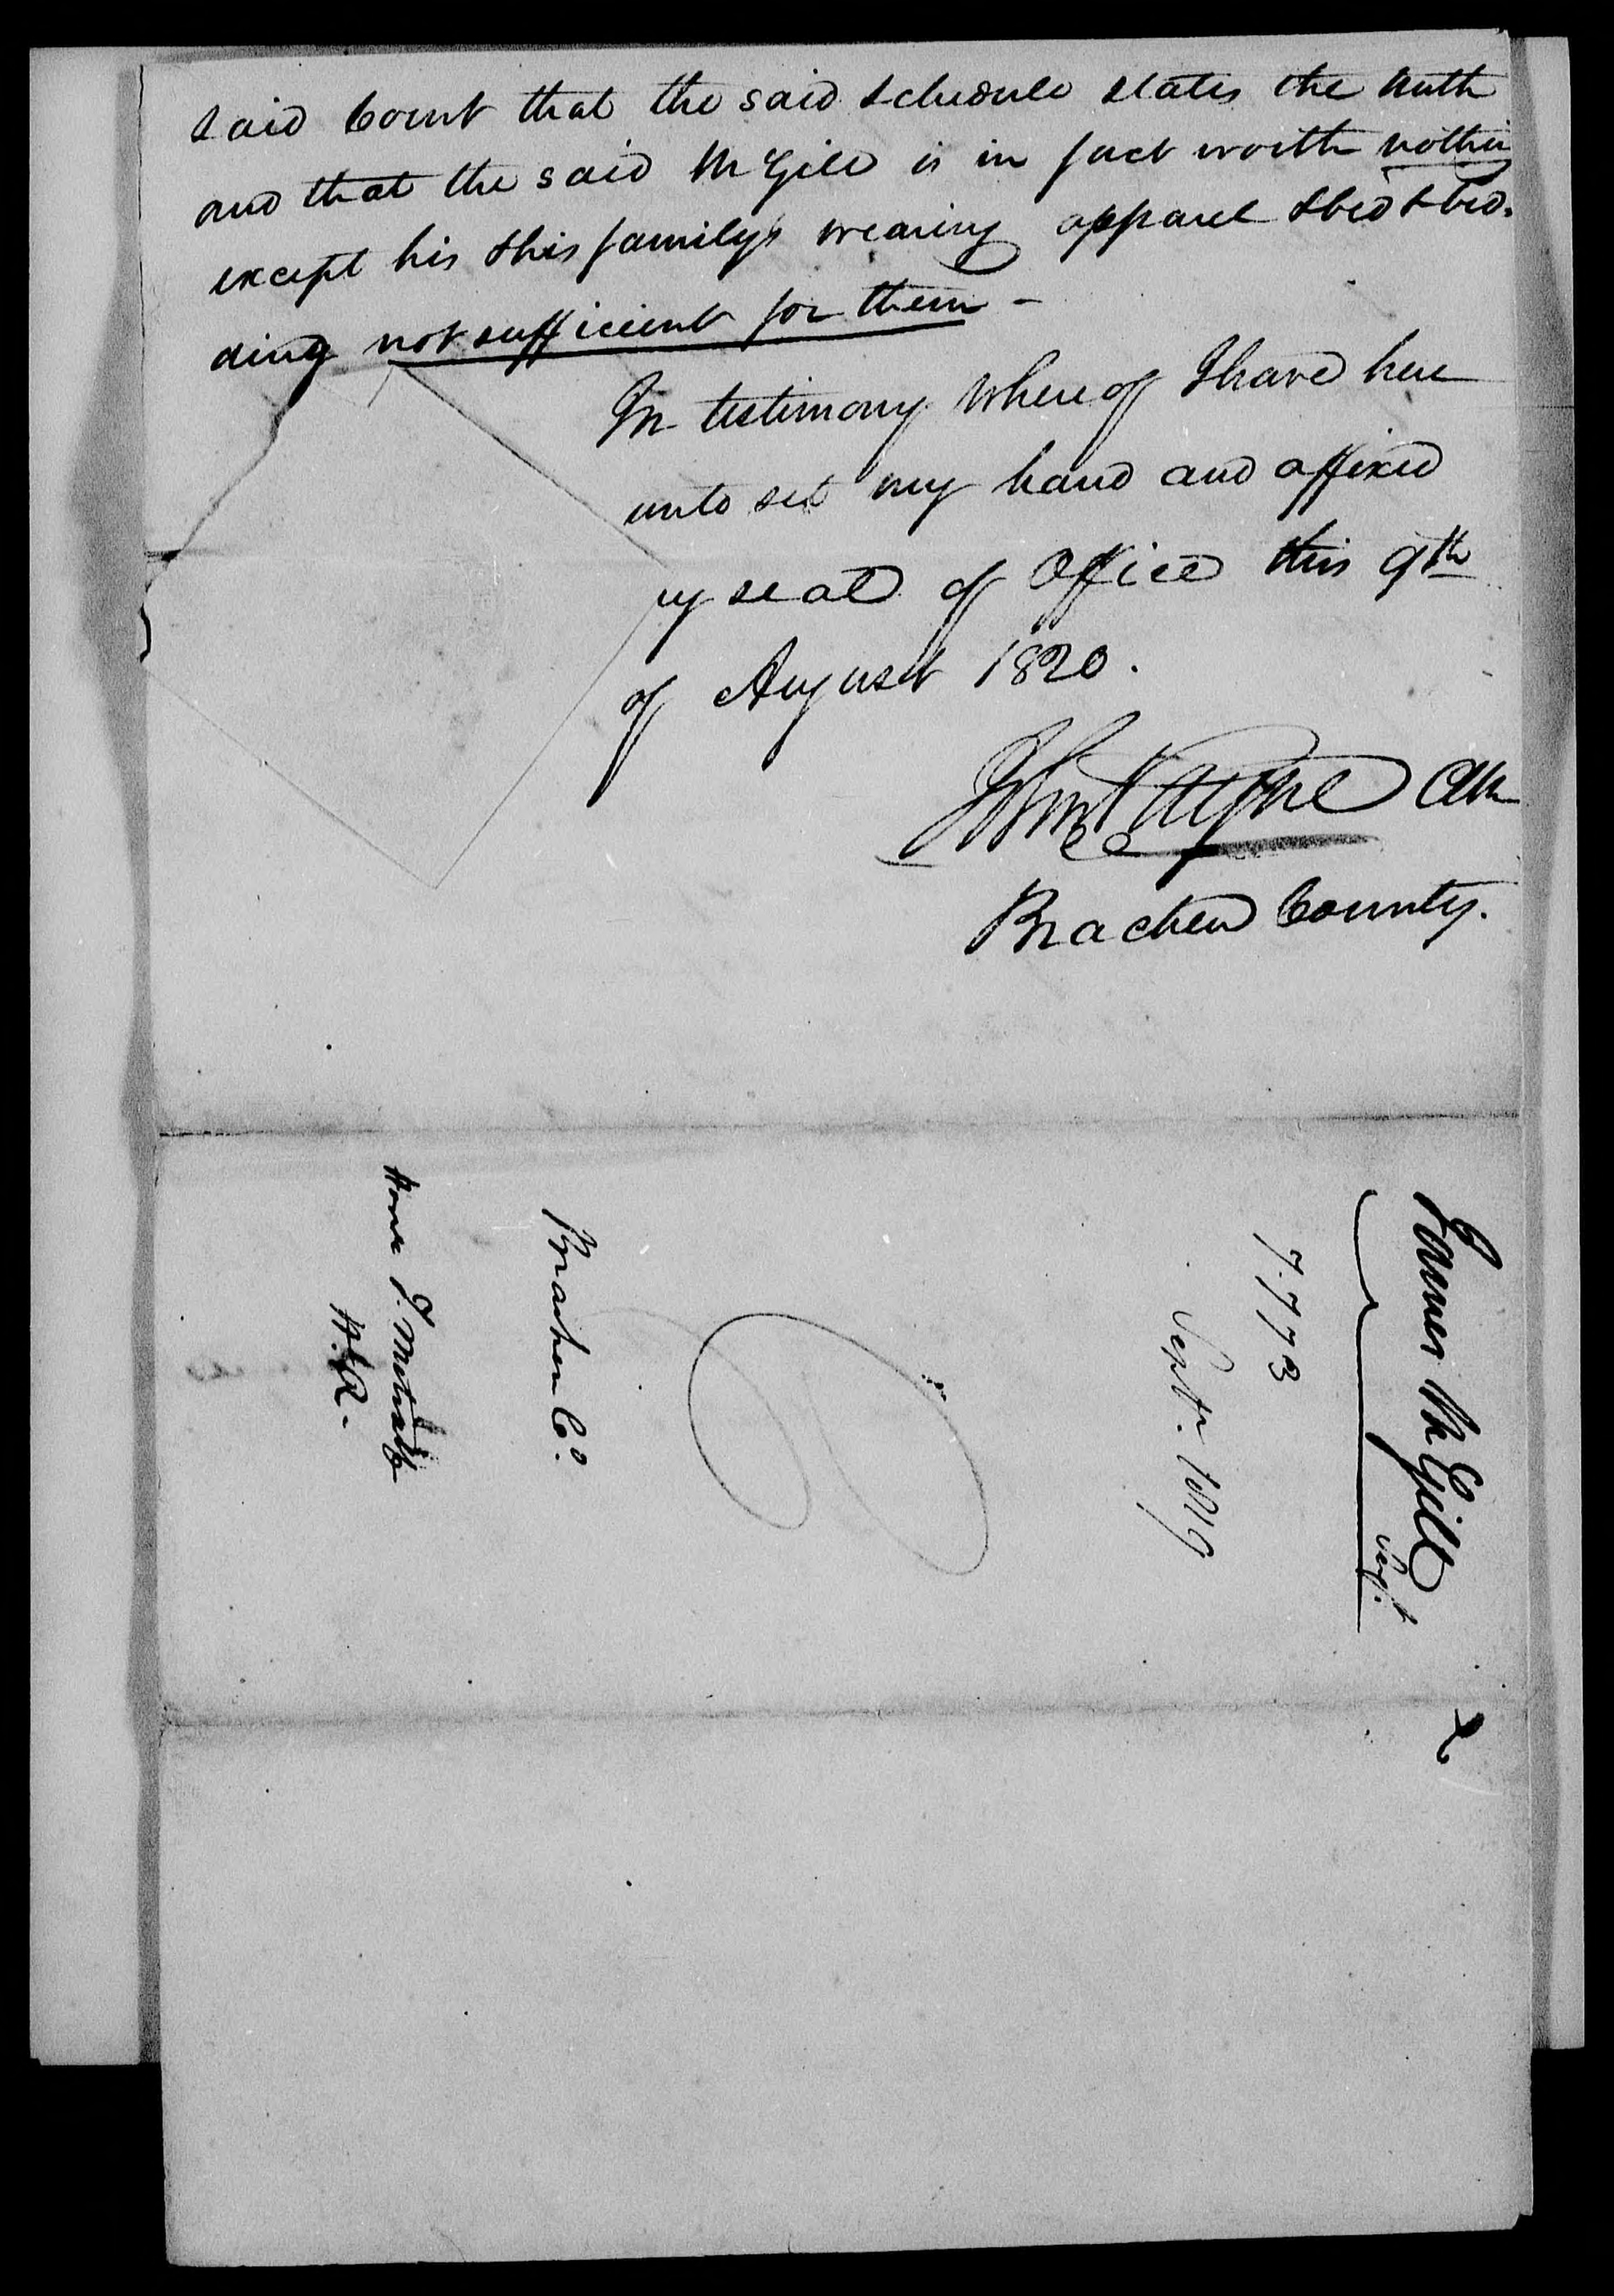image 67  (# 4160873_00067)         
Fold3 File #23857234
[continued from image 66]

said court that the said schedule states the truth and that the said McGill is in fact worth nothing except his and his family's wearing apparel and bed and bedding, not sufficient for them -   

In testimony whereof I have hereunto set my hand and affixed my seal of Office this 9th of August 1820.   [Seal]
John Payne Clerk  Bracken County 

[Cover] 
James McGill   7·773  Sept 1819
Bracken Co.  Hon J. Metcalf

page: 10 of 71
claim: widow's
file: W. 8428, for James Mc Gill, Pennsylvania